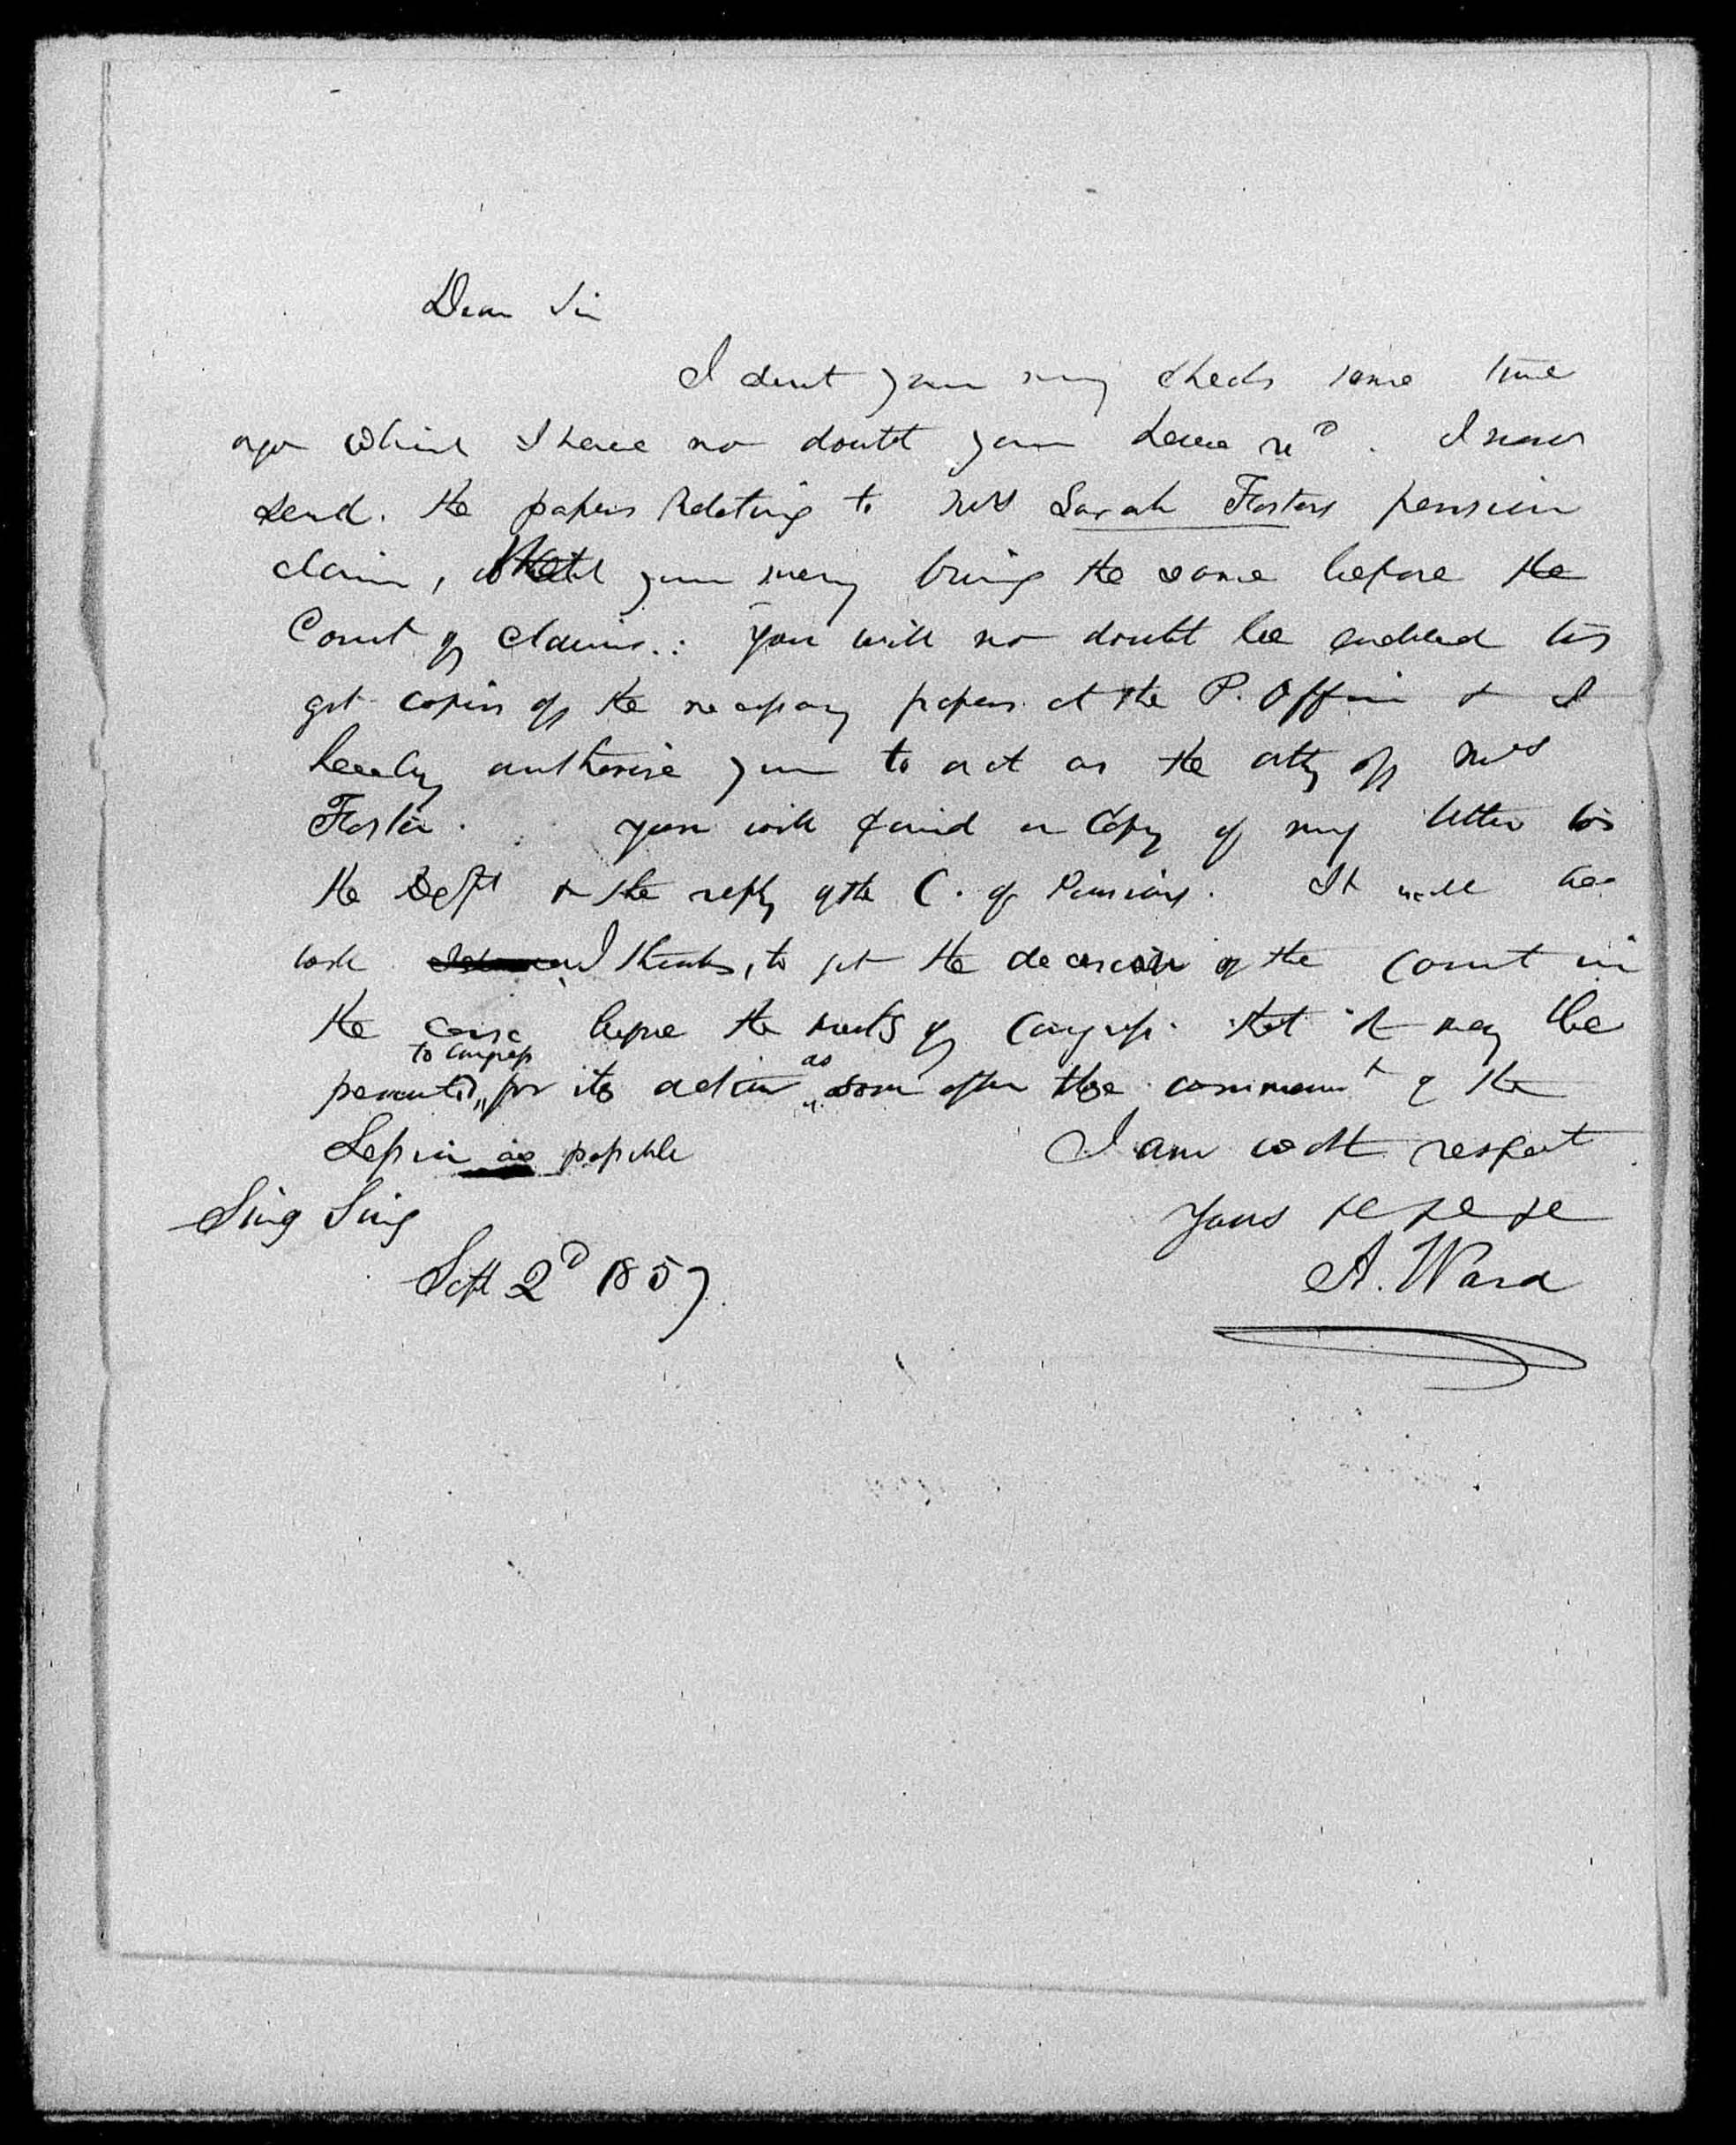Dear Sir

I sent you my checks some time ago which I have no doubt you recieved. I now send the papers relating to Mrs. Sarah Foster pension claim, That you may bring the same before the Court of Claims: You will no doubt be enabled to get copies of the necessary papers at the P. office & I hereby authorize you to act as the atty. of Mrs. Foster. You will find a copy of my letter to the Dept. & the reply of the C. of Pensions. It well has ?? I think to put the decision of the court in the case before the results of Congress. That it will be persented to congress for its action as soon after the commission & the session is possible.
I am with respect
your servant
A. Ward

Sing Sing
Sept 2nd 1857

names: Sarah Foster, Foster, A Ward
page: 34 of 57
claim: widow's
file: W. 5275 1/2, Michael Foster, Penn.